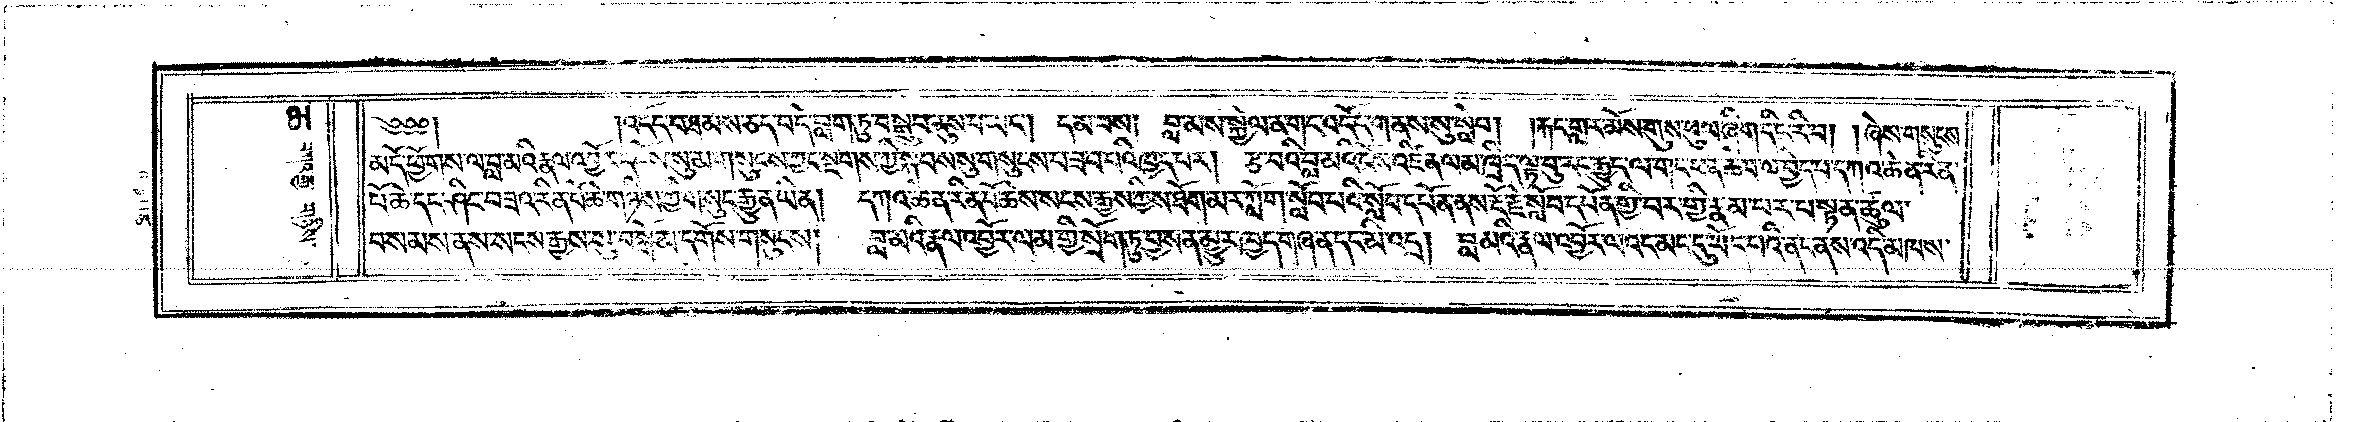༄༅༅། །འདོད་པ་ཐམས་ཅད་བདེ་བླག་ཏུ་བསྒྲུབ་ནུས་པ་ཡང་། དམ་བས། བླ་མས་སྐྱེལ་ན་གང་འདོད་གནས་སུ་སླེབ། །རྐང་གླར་མོས་གུས་ཕུལ་ཞིག་དིང་རི་བ། །ཞེས་གསུངས་
མདོ་ཕྱོགས་ལ་བླ་མའི་རྣལ་འབྱོར་དངོས་སུམ་གསུངས་ཀྱང་སྔགས་ཀྱི་སྐབས་སུ་གསུངས་པ་ཟབ་པའི་ཁྱད་པར། རྩ་བའི་བླ་མའི་ངོས་འཛིན་ལམ་ཁྲིད་ལྟ་བུ་རང་རྒྱུད་ལ་གང་ཕན་ཆེ་བ་ལ་བྱེད་པ་དཀའ་ཆེན་རིན་
པོ་ཆེ་དང་ཤིང་བཟའ་རིན་པོ་ཆེ་གཉིས་ཀྱི་གསུང་རྒྱུན་ཡིན། དཀའ་ཆེན་རིན་པོ་ཆེས་སངས་རྒྱས་ཀྱིས་ཐོག་མར་ཀློག་སློབ་པའི་སློབ་དཔོན་ནས་རྡོ་རྗེ་སློབ་དཔོན་གྱི་བར་གྱི་རྣམ་པར་བསྟན་ཚུལ་
བསམས་ནས་སངས་རྒྱས་སུ་བསྒོམ་དགོས་གསུངས། བླ་མའི་རྣལ་འབྱོར་ལམ་གྱི་སྲོག་ཏུ་བྱས་ན་མྱུར་ཁྱད་གཞན་དང་མི་འདྲ། བླ་མའི་རྣལ་འབྱོར་ལའང་མང་དུ་ཡོད་པའི་ནང་ནས་འདི་མཁས་